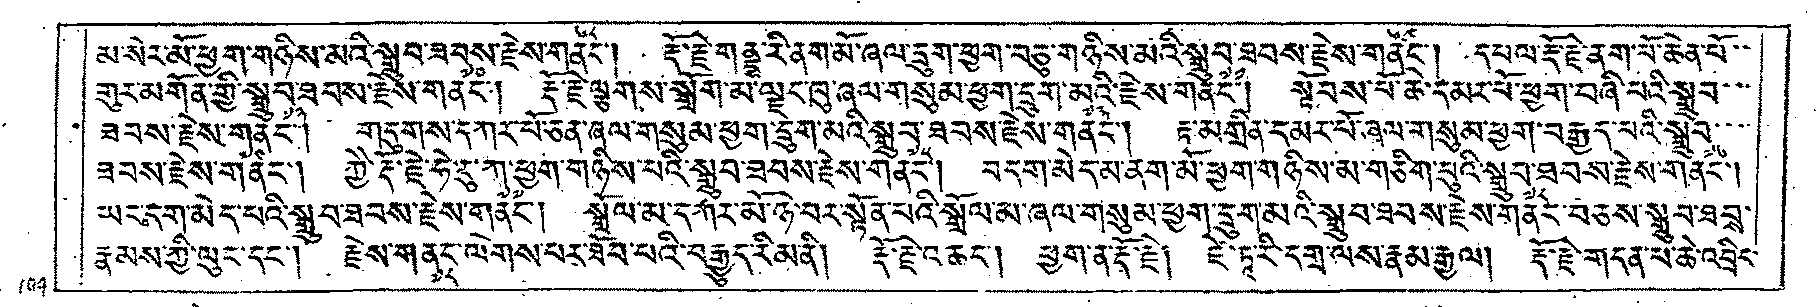མ་སེར་མོ་ཕྱག་གཉིས་མའི་སྒྲུབ་ཐབས་རྗེས་གནང ༦༨། རྡོ་རྗེ་ག་ནྡྷ་རི་ནག་མོ་ཞལ་དྲུག་ཕྱག་བཅུ་གཉིས་མའི་སྒྲུབ་ཐབས་རྗེས་གནང ༦༩། དཔལ་རྡོ་རྗེ་ནག་པོ་ཆེན་པོ་
གུར་མགོན་གྱི་སྒྲུབ་ཐབས་རྗེས་གནང ༧༠། རྡོ་རྗེ་ལྕགས་སྒྲོག་མ་ལྗང་ཁུ་ཞལ་གསུམ་ཕྱག་དྲུག་མའི་རྗེས་གནང ༧༡། སྟོབས་པོ་ཆེ་དམར་པོ་ཕྱག་བཞི་པའི་སྒྲུབ་
ཐབས་རྗེས་གནང ༧༢། གདུགས་དཀར་པོ་ཅན་ཞལ་གསུམ་ཕྱག་དྲུག་མའི་སྒྲུབ་ཐབས་རྗེས་གནང ༧༣། རྟ་མགྲིན་དམར་པོ་ཞལ་གསུམ་ཕྱག་བརྒྱད་པའི་སྒྲུབ་
ཐབས་རྗེས་གནང ༧༤། ཀྱཻ་རྡོ་རྗེ་ཧེ་རུ་ཀ་ཕྱག་གཉིས་པའི་སྒྲུབ་ཐབས་རྗེས་གནང ༧༥། བདག་མེད་མ་ནག་མོ་ཕྱག་གཉིས་མ་གཅིག་པུའི་སྒྲུབ་ཐབས་རྗེས་གནང ༧༦།
ཡང་དག་མེད་པའི་སྒྲུབ་ཐབས་རྗེས་གནང ༧༧། སྒྲོལ་མ་དཀར་མོ་ཉེ་བར་སྟོན་པའི་སྒྲོལ་མ་ཞལ་གསུམ་ཕྱག་དྲུག་མའི་སྒྲུབ་ཐབས་རྗེས་གནང ༧༨་བཅས་སྒྲུབ་ཐབས་
རྣམས་ཀྱི་ལུང་དང་། རྗེས་གནང ༧༨་ལེགས་པར་ཐོབ་པའི་བརྒྱུད་རིམ་ནི། རྡོ་རྗེ་འཆང་། ཕྱག་ན་རྡོ་རྗེ། ཛེ་ཏཱ་རི་དགྲ་ལས་རྣམ་རྒྱལ། རྡོ་རྗེ་གདན་པ་ཆེ་འབྲིང་